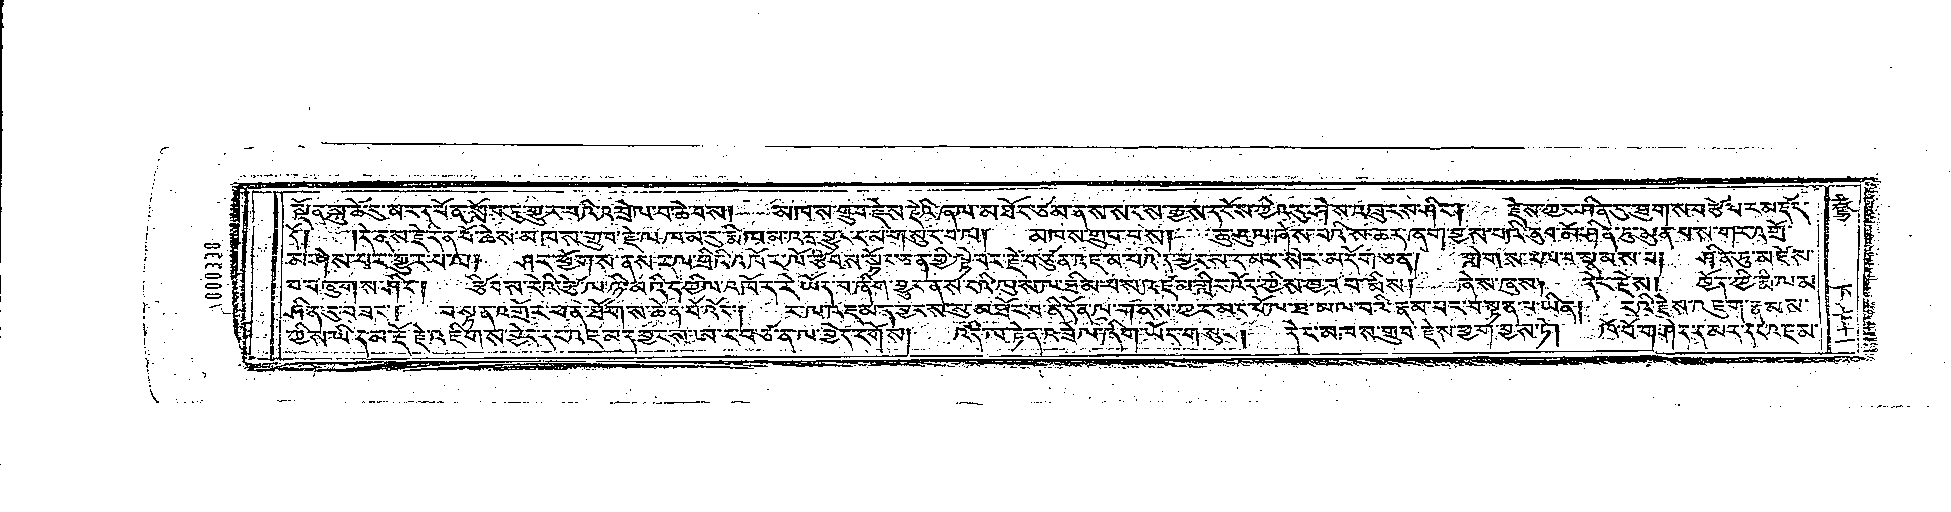སྔོན་སྐུ་ཚེ་དུ་མར་དཔོན་སློབ་ཏུ་གྱུར་བའི་འབྲེལ་བ་ཆེ་བས། མཁས་གྲུབ་རྗེས་རྗེའི་ཞལ་མཐོང་ཙམ་ནས་སངས་རྒྱས་དངོས་ཀྱི་འདུ་ཤེས་འཁྲུངས་ཤིང་། རྗེས་ཀྱང་ཤིན་ཏུ་ཐུགས་བརྩེ་བར་མཛད་
དོ། །དེ་ནས་རྗེ་རིན་པོ་ཆེས་མཁས་གྲུབ་རྗེ་ལ་ལམ་དུ་རྨི་ལམ་འདྲ་བྱུང་དམ་གསུང་བ་ལ། མཁས་གྲུབ་པས། ཆུ་ཤུལ་ཞེས་པའི་ས་ཆར་ཞག་བྱས་པའི་ནུབ་མོ་ཤིན་ཏུ་མུན་པས་གར་འགྲོ་
མ་ཤེས་པར་གྱུར་པ་ལ། ཤར་ཕྱོགས་ནས་རལ་གྲིའི་འཁོར་ལོ་རྩིབས་སྟོང་ཅན་གྱི་ལྟེ་བར་རྗེ་བཙུན་འཇམ་པའི་དབྱངས་ད་མར་སེར་མདོག་ཅན། གླེགས་རལ་བསྣམས་པ། ཤིན་ཏུ་མཛེས་
བ་བཞུགས་ཤིང་། རྩིབས་རེའི་རྩེ་ལ་ཉི་མའི་དཀྱིལ་འཁོར་རེ་ཡོད་པ་ཞིག་བྱུང་ནས་ངའི་ལུས་ལ་ཐིམ་པས་འཛམ་གླིང་འོད་ཀྱིས་ཁྱབ་པ་རྨིས། ཞེས་ཞུས། དེར་རྗེས། ཁྱོད་ཀྱི་རྨི་ལམ་
ཤིན་ཏུ་བཟང་། བསྟན་འགྲོར་ཕན་ཐོགས་ཆེན་པོ་འོང་། ང་ལ་འཇམ་དབྱངས་སུ་མཐོང་བ་ནི་དོན་ལ་གནས་ཀྱང་མང་པོ་ལ་ཐ་མལ་བའི་རྣམ་པར་བསྟན་པ་ཡིན། དའི་རྗེས་འཇུག་རྣམས་
ཀྱིས་ཡི་དམ་རྡོ་རྗེ་འཇིགས་བྱེད་དང་འཇམ་དབྱངས་ཨ་ར་པ་ཙ་ན་ལ་བྱེད་དགོས། འདི་ལ་རྟེན་འབྲེལ་ཞིག་ཡོད་གསུང་། དེང་མཁས་གྲུབ་རྗེས་ཕྱག་བྱས་ཏེ། ཁོ་པོ་གཤེད་དམར་དང་འཇམ་